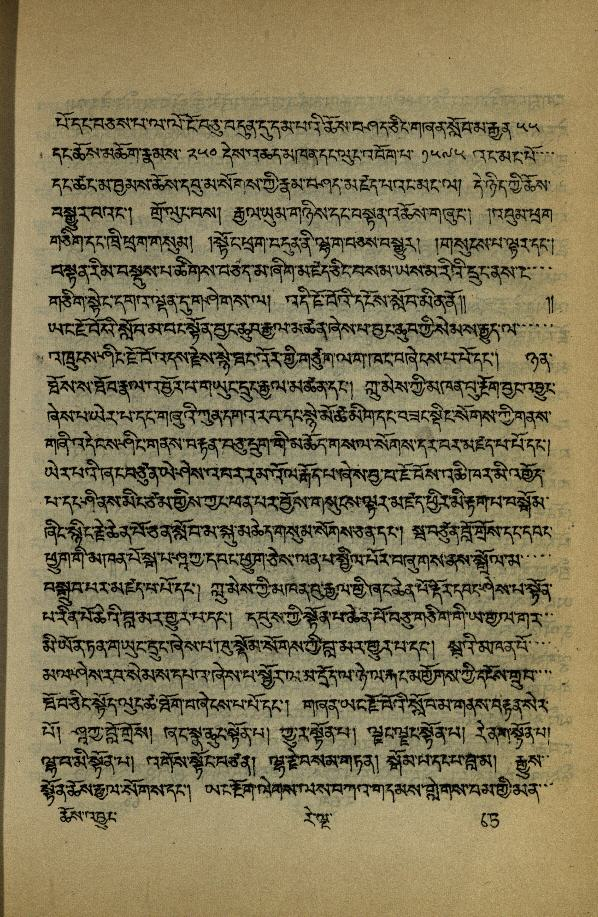པོ་དང་བཅས་པ་ལ་ལོ་ངོ་བཅུ་བདུན་དུ་དམ་པའི་ཆོས་བཤད་ཅིང་གཞན་སློབ་མ་རྒྱན ༥༥
དང་ཆོས་མཆོག་རྣམས ༢༥༠་དེས་འཆད་མཁན་དང་ལུང་འབོག་པ ༡༥༧༥་འང་མང་པོ་
དང་ཚང་མ་བྱམས་ཆོས་དབུ་མ་སོགས་ཀྱི་རྣམ་བཤད་མཛད་པའང་མང་ལ། དེ་ཉིད་ཀྱི་ཆོས་
བསྒྱུར་བའང་། གྲོ་ལུང་བས། རྒྱལ་ཡུམ་གཉིས་དང་བསྟན་འཆོས་གཞུང་། །འབུམ་ཕྲག་
གཅིག་དང་ཁྲི་ཕྲག་གསུམ། །སྟོང་ཕྲག་བདུན་ནི་ལྷག་བཅས་བསྒྱུར། །གསུངས་པ་ལྟར་དང་།
བསྟན་རིམ་བསྡུས་པ་ཚིགས་བཅད་མ་ཞིག་མཛད་ཅིང་བསམ་ཡས་མ་རིའི་དྲུང་ནས་ང་
གཅིག་སྟེང་དགའ་ལྡན་དུ་གཤེགས་ལ། །འདི་ཇོ་བོའི་དངོས་སློབ་མིན་ནོ།། །།
ཡང་ཇོ་བོའི་སློབ་མ་བང་སྟོན་བྱང་ཆུབ་རྒྱལ་མཚན་ཞེས་པ་བྱང་ཆུབ་ཀྱི་སེམས་རྒྱུད་ལ་
འཁྲུངས་ཤིང་ཇོ་བོ་འདས་རྗེས་སྙེ་ཐང་འོར་གྱི་གཙུག་ལག་ཁང་བཞེངས་པ་པོ་དང་། ཉན་
ཐོས་ས་ཐོབ་རྣལ་འབྱོར་པ་གཡུང་དྲུང་རྒྱལ་མཚན་དང་། ཀླུ་མེས་ཀྱི་མཁན་བུ་རྔོག་བྱང་འབྱུང་
ཞེས་པ་ཡེར་པ་དང་གཞུའི་ཀུན་དགའ་ར་བ་དང་སྙེ་མོ་ཚ་མིག་དང་བཟང་སྡིང་སོགས་ཀྱི་གནས་
གཞི་འདེངས་ཤིང་གནས་བརྟན་བཅུ་དྲུག་གི་མཆོད་གསལ་སོགས་དར་བར་མཛད་པ་པོ་དང་།
ཡེར་པའི་ཞང་བཙུན་ཡེ་ཤེས་འབར་རམ་འོལ་རྒོད་པ་ཞེས་བྱ་བ་ཇོ་བོས་འཆི་ཁར་མི་འགྱོད་
པ་དང་ཤི་ནས་མིང་ཙམ་གྱིས་ཀྱང་ཕན་པར་བྱོས་གསུངས་ལྟར་མཛད་ཕྱིར་མི་རྟག་པ་བསྒོམ་
ཞིང་སྙིང་རྗེ་ཆེན་པོ་ཅན་སློབ་མ་སྐུ་མཆེད་གསུམ་སོགས་ཅན་དང་། སྦ་བཙུན་བློ་གྲོས་དང་དབང་
ཕྱུག་གི་མཁན་པོ་སྒ་པ་ཤཱཀྱ་དབང་ཕྱུག་ཅེས་ལན་པ་སྤྱིལ་པོར་བཞུགས་ནས་སྒྲོལ་མ་
བསྒྲུབ་པར་མཛད་པ་པོ་དང་། ཀླུ་མེས་ཀྱི་མཁན་བུ་རྒྱལ་གྱི་ཞང་ཆེན་པོ་རྡོར་དབང་ཤེས་པ་སྟོན་
པ་རིན་པོ་ཆེའི་བླ་མར་གྱུར་པ་དང་། དབུས་ཀྱི་སྟོན་པ་ཆེན་པོ་བཅུ་གཅིག་གི་ཡ་གྱལ་གར་
མི་ཡོན་ཏན་གཡུང་དྲུང་ཞེས་པ་ཁུ་སྡོམ་སོགས་ཀྱི་བླ་མར་གྱུར་པ་དང་། སྦའི་མཁན་པོ་
མལ་ཤེས་རབ་སེམས་དཔའ་ཞེས་པ་སྦྱོར་ལམ་དྲོད་ལ་ཉེ་ལ་རྐང་མགྱོགས་ཀྱི་དངོས་གྲུབ་
ཐོབ་ཅིང་སྟོད་ལུང་ཚ་ཐོག་བཞེངས་པ་པོ་དང་། གཞན་ཡང་ཇོ་བོའི་སློབ་མ་གནས་བརྟན་སེར་
པོ། ཤཱཀྱ་བློ་གྲོས། ཞང་སྣ་ཆུང་སྟོན་པ། ཀྱུ་ར་སྟོན་པ། ལྗང་ལྗང་སྟོན་པ། རེ་ནག་སྟོན་པ།
ལྷ་བ་མི་སྟོན་པ། འགོས་སྟོང་བཙན། ལྷ་རྗེ་བསམ་གཏན། སྒོམ་པ་དང་པ་བླ་མ། རྒྱུས་
སྟོན་ཆོས་རྒྱལ་སོགས་དང་། ཡང་རྔོག་ལེགས་ལས་བཀའ་གདམས་གླེགས་བམ་གྱི་མན་